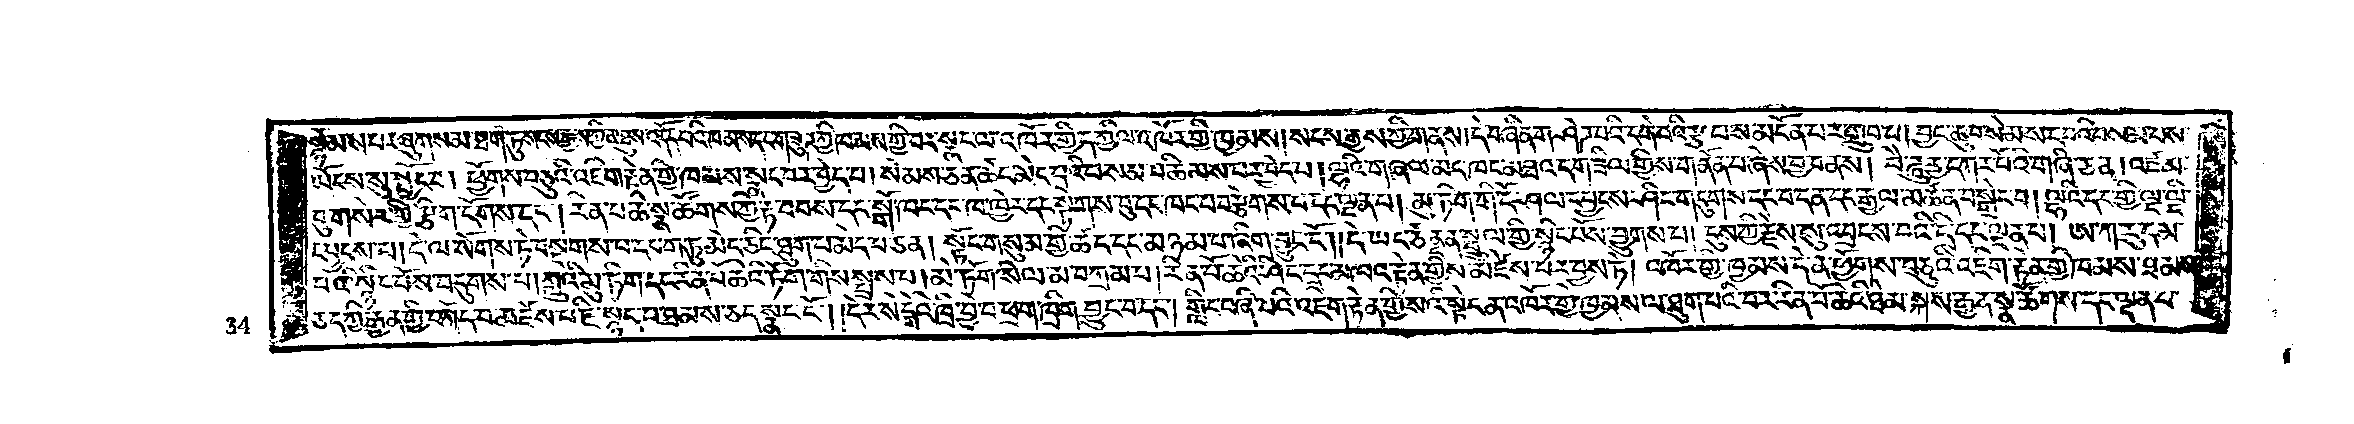སྙོམས་པར་ཞུགས་མ་ཐག་ཏུ་སངས་རྒྱས་ཀྱི་མཐུས་འདོད་པའི་ཁམས་དང་གཟུགས་ཀྱི་ཁམས་ཀྱི་བར་སྣང་ལ་འཁོར་གྱི་དཀྱིལ་འཁོར་གྱི་ཁྱམས། སངས་རྒྱས་ཀྱི་གནས། དེ་བཞིན་གཤེགས་པའི་དགེ་བའི་རྩ་བས་མངོན་པར་གྲུབ་པ། བྱང་ཆུབ་སེམས་དཔའི་བསམ་པས་
ཡོངས་སུ་སྦྱོང་བ། ཕྱོགས་བཅུའི་འཇིག་རྟེན་གྱི་ཁམས་སྣང་བར་བྱེད་པ། སེམས་ཅན་ཚད་མེད་པའི་བསམ་པ་ཚིམས?་པར་བྱེད་པ། ལྷའི་གཞལ་མེད་ཁང་མཐའ་དག་ཟིལ་གྱིས་གནོན་པ་ཞེས་བྱ་བ་ནས། བཻ་ཌཱུ་རྱ་དཀར་པོའི་གཞི་ཅན། འཛམ་
བུ་གསེར་གྱི་རྩིག་དོགས་དང་། རིན་པོ་ཆེ་སྣ་ཚོགས་ཀྱི་རྟེ་བབས་དང་སྒོ་ཁང་དང་ཁ་ཁྱེར་དང་སྟེགས་བུ་དང་ཁང་པ་བརྩེགས་པ་དང་ལྡན་པ། མུ་ཏིག་གི་ངོ་ཤལ་དཔྱངས་ཤིང་གདུགས་དང་བདན་དང་རྒྱལ་མཚན་བསྒྲེང་པ། ལྷའི་དང་གྱི་ལྔ་ལྡི་
དཔྱངས་པ། དེ་ལ་སོགས་ཏེ་བསྔགས་པ་དཔག་ཏུ་མེད་ཅིང་ཐུག་པ་མེད་པ་ཅན། སྟོང་གསུམ་གྱི་ཚད་དང་མཉམ་པ་ཞིག་བྱུང་ངོ། །དེ་ཡང་ཙནདན་སྤྲུལ་གྱི་སྙིང་པོས་བྱུགས་པ། དུས་ཀྱི་རྗེས་སུ་འབྲངས་པའི་དྲི་དང་ལྡན་པ། ཨ་ཀ་རུ་དམ་
པའི་སྙིང་པོས་བདུགས་པ། ཀླུའི་མུ་ཏིག་དང་རིན་པོ་ཆེའི་ཏོག་གིས་སྤྲས་པ། མེ་ཏོག་སིལ་མ་བཀྲམ་པ། རིན་པོ་ཆེའི་ཤིང་དྲང་མཁའ་རྟེན་གྱིས་མཛེས་པར་བྱས་ཏེ། འཁོར་གྱི་ཁྱམས་དེ་ན་ཕྱོགས་བཅུའི་འཇིག་རྟེན་གྱི་ཁམས་ཐམས་
ཅན་ཀྱི་རྒྱན་གྱི་བཀོད་པ་མཛེས་པ་ཇི་སྙེད་པ་ཐམས་ཅད་སྣང་ངོ། །དེར་སེངགེའི་ཁྲི་བྱེ་བ་ཕྲག་ཁྲིག་བྱུང་བ་དང་། གླིང་བཞི་པའི་འཇིག་རྟེན་གྱི་སའི་སྟེང་ན་འཁོར་གྱི་ཁྱམས་ལ་ཐུག་པའི་བར་རིན་པོ་ཆེའི་ཐེམ་སྐས་རྒྱན་སྣ་ཚོགས་དང་ལྡན་པ་